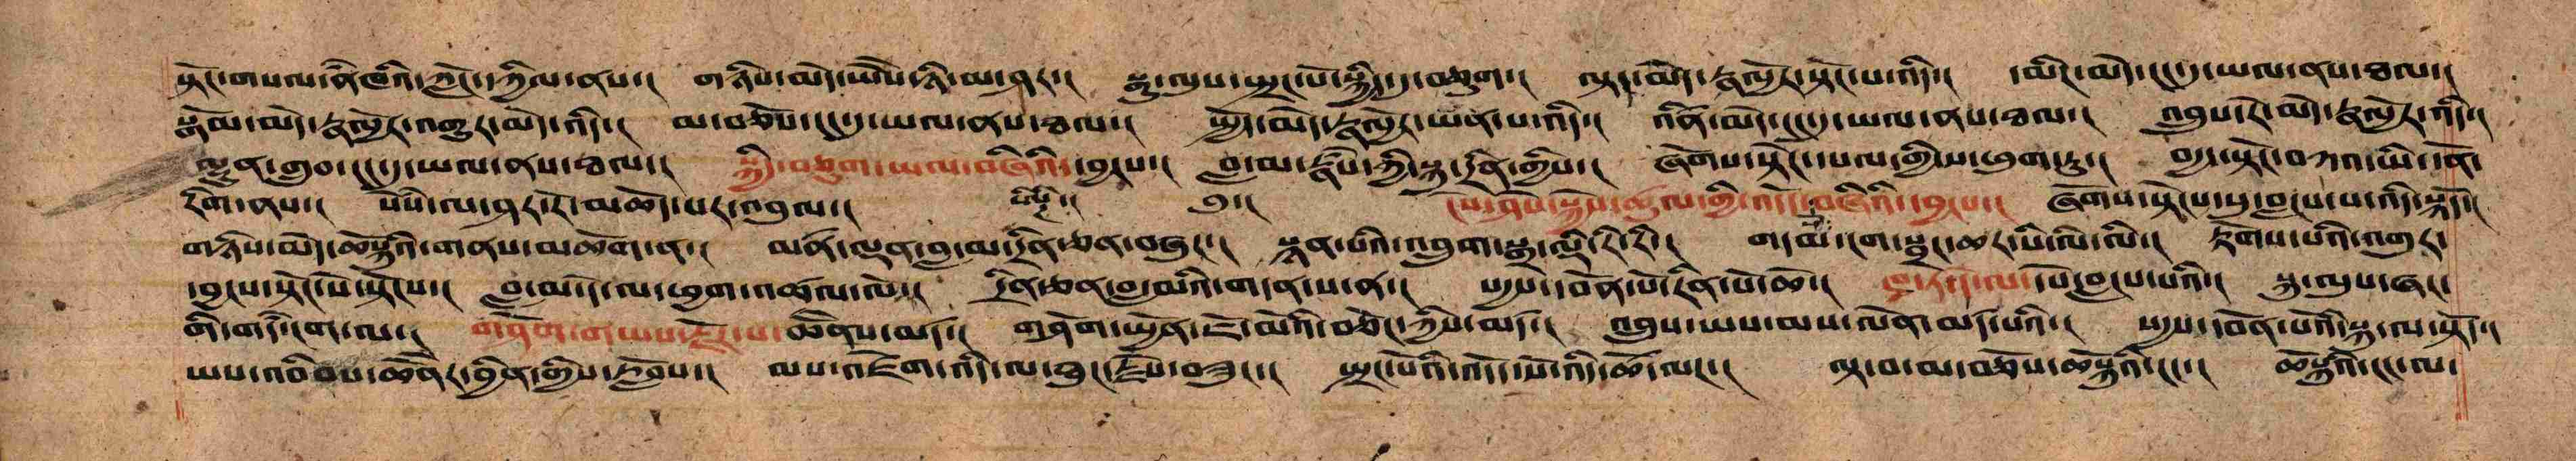སྟོང་གསལ་ནམ་མཁའི་ཀློང་དཀྱིལ་ནས།། གཉིས་མེད་ཡེ་ཤེས་ཉི་མ་ཤར།། སྒྱུ་ལུས་སྤྲང་པོ་སྐྱིད་དུ་བཅུག།། ལྟད་མེད་རྣལ་འབྱོར་སྟོང་པ་འདི།། དམིགས་མེད་ངང་དུ་ཡལ་ནས་ཐལ།། 
སྒོམ་མེད་རྣལ་འབྱོར་འགྱུར་མེད་འདི།། མ་བཅོས་ངང་དུ་ཡལ་ནས་ཐལ།། སྤྱོད་མེད་རྣལ་འབྱོར་ཡིན་པ་འདི།། འཛིན་མེད་ངང་དུ་ཡལ་ནས་ཐལ།། འབྲས་བུ་རེ་མེད་རྣལ་འབྱོར་འདི།། 
ལྷུན་གྲུབ་ངང་དུ་ཡལ་ནས་ཐལ།། སྐྱིད་བཅུག་ཡལ་བཞིའི་དབྱངས།། བླ་མ་རྣམས་ཀྱི་སྐུ་དྲིན་གྱིས།། ཞོགས་སྟེང་དཔལ་གྱི་ས་ཕུག་ཏུ།། བརྒྱད་སྟོང་བཀའ་ཡི་དོན་
རིག་ནས།། སེམས་ལ་ཤར་རོ་མཆོད་པ་འབུལ།། ཨྚི།། ༄་། ངེས་ཤེས་སྐྱེས་ཚུལ་གྱི་འདོད་བཞིའི་དབྱངས།། ཞོགས་སྟེངས་སུ་བླངས་པ་འདི་སྐད་དོ།། 
གཉིས་མེད་ཆོས་སྐུའི་གནས་མཆོག་ན།། མཚན་ལྡན་བླ་མ་དྲིན་ཅན་བཞུགས།། སྙན་པའི་འབྲུག་སྒྲ་ལྡི་རི་རི།། གདམས་ངག་སྦྲང་ཆར་སི་ལི་ལི།། རྟོགས་པའི་འགུར་
དབྱངས་སྟོངས་སེ་སྟོང་།། བླ་མ་དེ་ལ་ཕྱག་འཚལ་ལོ།། དྲིན་ཅན་བླ་མའི་གདན་ས་ན།། སངས་རྒྱས་དབོན་པོ་རིན་པོ་ཆེ།། ཁ་ཏ་དེ་ལ་དཔེ་བླངས་པའི།། སྐུ་ལུས་ཞང་
གི་གདམ་ངག་ལ།། གཤོག་གཡས་རྫོགས་པ་ཆེན་པོས་མཛད།། གཤོག་གཡོན་ཇོ་མོའི་བཙོང་ཀྱིས་མཛད།། འབྲས་བུ་ཡས་མས་ལེན་མཛད་པའི།། སངས་རྒྱས་དབོན་པོའིི་སྐུ་ལ་བསྟོད།།
ཡས་འབེབས་ཆེན་མོར་བྱིན་གྱིས་རློབས།། མས་འཛེག་འདི་ལ་ཐུགས་རྗེས་བཟུང་།། སྤྲང་པོའི་འདོད་སོ་འདི་ཚོ་ལགས།། ལྟ་བ་མ་བཅོས་ཆོས་སྐུའི་ངང་།། ཆོས་སྐུའི་ངང་ལ་